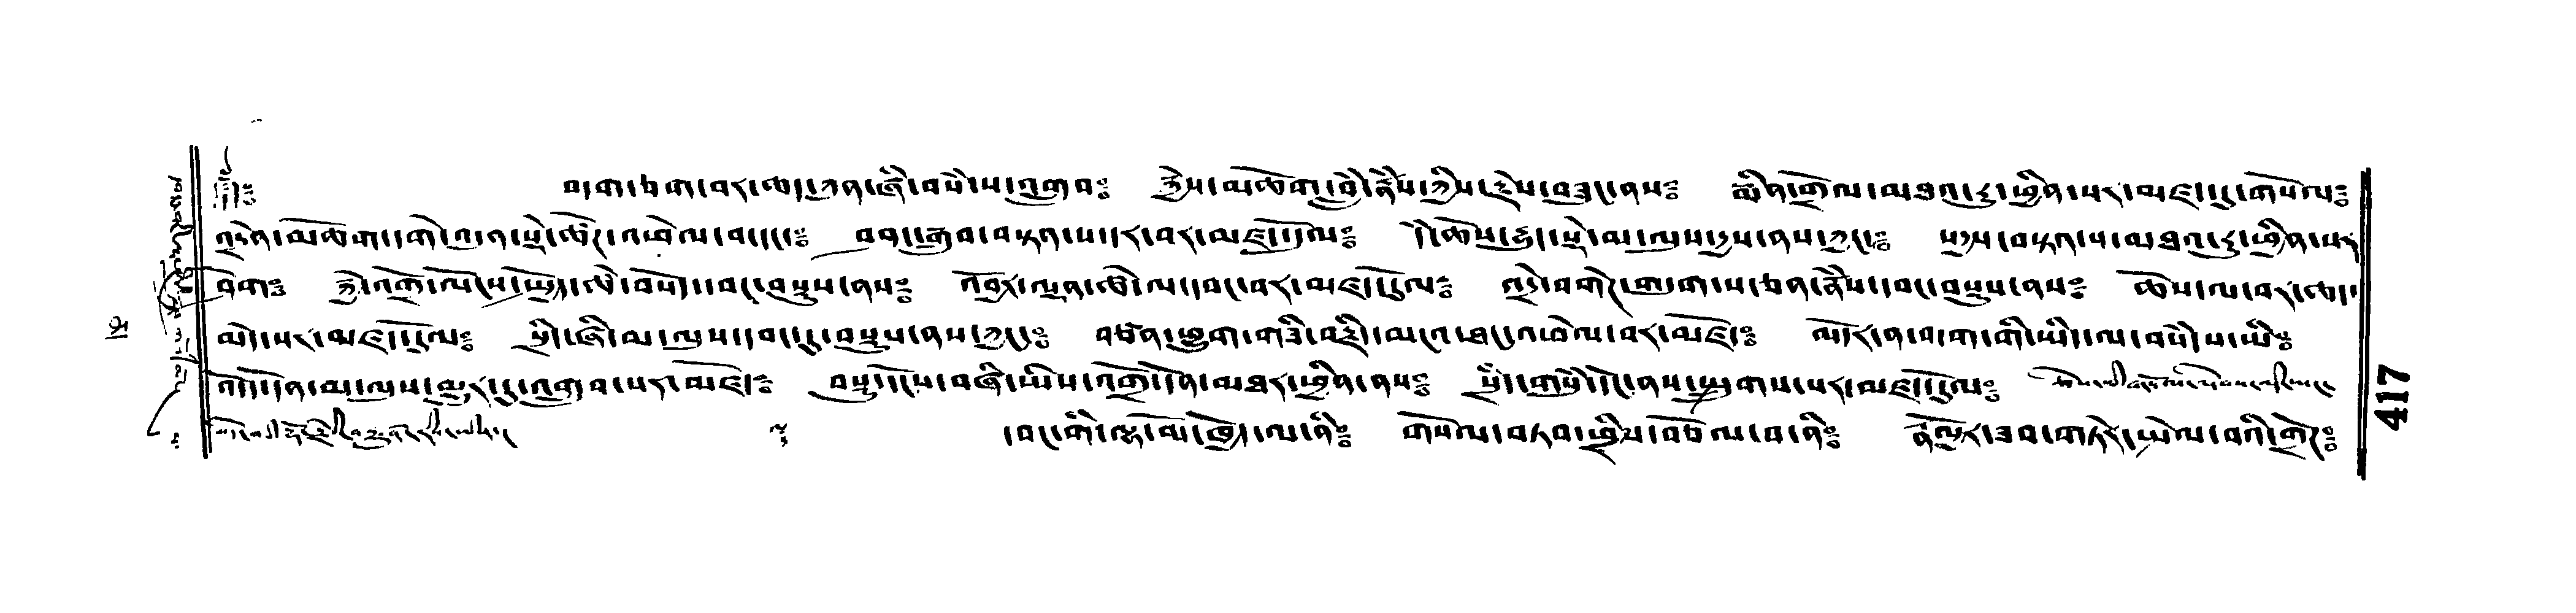བདག་ཅག་བར་ཆད་ཀུན་ཞི་བསམ་པ་འགྲུབ༔ སྐྱེས་མཆོག་བླ་མ་རྣམས་ཀྱིས་རྗེས་བཟུང་ནས༔ སྨིན་གྲོལ་མཐའ་རུ་ཕྱིན་པར་མཛད་དུ་གསོལ༔ 
འདྲེན་མཆོག་དགེ་འདུན་སྡེ་ཚོགས་འཕེལ་བ་དང༔ བཤད་སྒྲུབ་བསྟན་པ་དར་བར་མཛད་དུ་གསོལ༔ དམ་ཆོས་རྒྱུད་སྡེ་མ་ལུས་རྒྱས་ནས་ཀྱང༔ སངས་རྒྱས་བསྟན་པ་མཐའ་རུ་ཕྱིན་པར་
ཤོག༔ སྐྱེ་འགྲོ་ལོངས་སྤྱོད་ཚེ་བསོད་དབང་བསྡུས་ནས༔ འབྱོར་ལྡན་ཚེ་ལ་དབང་བར་མཛད་དུ་གསོལ༔ འདྲེ་བགེགས་གདུག་པ་ཅན་རྣམས་དབང་བསྡུས་ནས༔ ཆོས་ལ་བར་ཆད་
མེད་པར་མཛད་དུ་གསོལ༔ སྲིད་ཞི་མ་ལུས་དབང་དུ་བསྡུད་ནས་ཀྱང༔ བཙན་ཕྱུག་གཟི་བརྗིད་མངའ་ཐང་འཕེལ་བར་མཛོད༔མདོར་ན་བདག་གི་ཡིད་ལ་བསམ་པ་ཡི༔ 
འདོད་དོན་མ་ལུས་མྱུར་དུ་འགྲུབ་པར་མཛོད༔ བསྡུ་དངོས་བཞི་ཡིས་འགྲོ་དོན་མཐར་ཕྱིན་ནས༔ སྲིད་གསུམ་དོང་ནས་སྤྲུགས་པར་མཛད་དུ་གསོལ༔ ཅེས་པའི་གསོལ་འདེབས་འདི་ཡང་
བདེ་བའི་རྡོ་རྗེའི་བརྫུན་རིས་ཡིན།། དབང་གི་ལྷ་མོ་ཁྱོད་ལ་ནི༔ གསོལ་བཏབ་ཕྲིན་ལས་བཅོལ་བ་ནི༔ རྣལ་འབྱོར་ཟབ་གཏེར་སྤེལ་བའི་གྲོགས༔